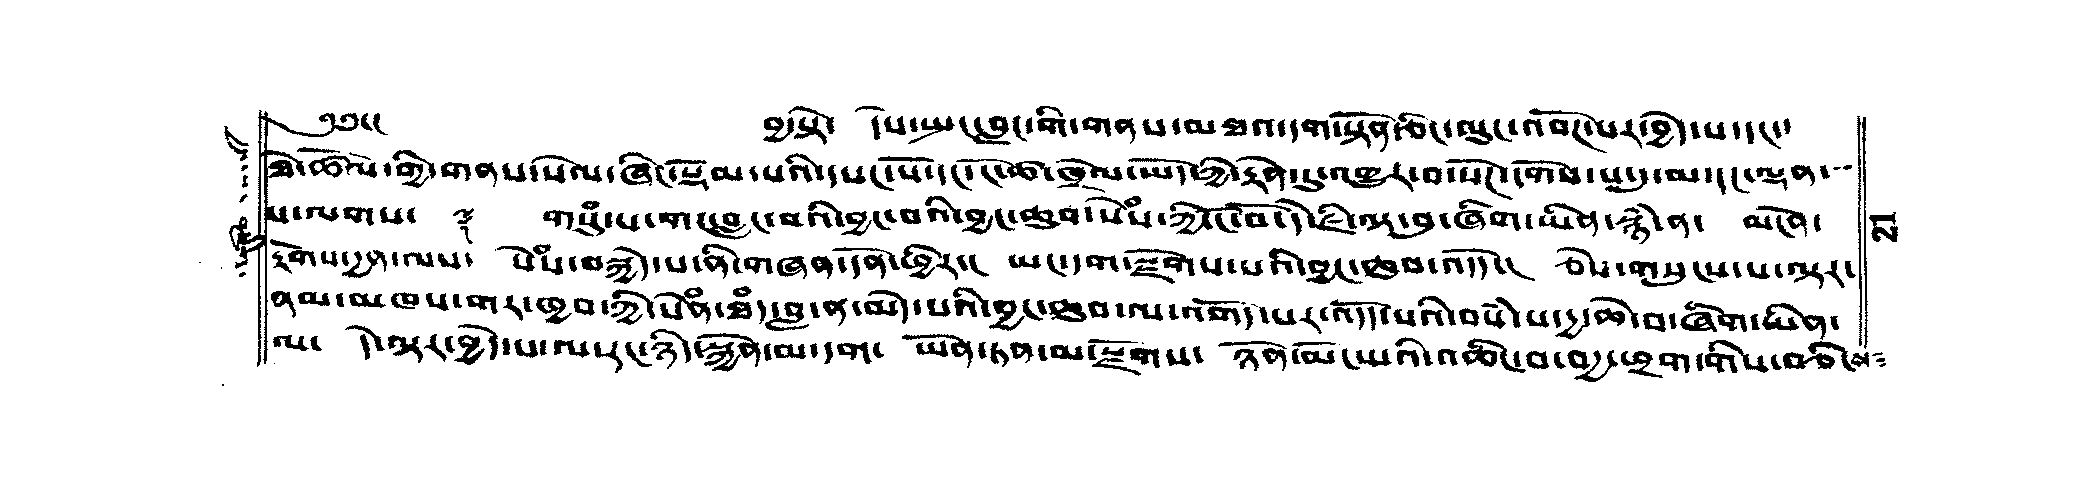བྱ་སྟེ། དེས་སྤང་བླང་གི་གནས་མཐའ་དག་སྟོན་ཅིང་ལུང་འབོགས་པར་བྱེད་པ་དང་། 
ཐེ་ཚོམ་གྱི་གནས་སེལ་ཞིང་སྡོམ་པའི་དཔང་པོ་དང་ངོ་ཚ་ཁྲེལ་ཡོད་ཀྱི་རྟེན་དུ་འགྱུར་བ་སོགས་དགོས་པ་དུ་མ་དང་ལྡན་
པ་ལགས། ༈ གསུམ་པ་གང་བླང་བའི་བྱང་བའི་བྱང་ཆུབ་སེམས་ཀྱི་ངོ་བོ་དེ་ཇི་ལྟ་བུ་ཞིག་ཡིན་སྙམ་ན། མངོན་
རྟོགས་རྒྱན་ལས། སེམས་བསྐྱེད་པ་ནི་གཞན་དོན་ཕྱིར། ཡང་དག་རྫོགས་པའི་བྱང་ཆུབ་འདོད། ཅེས་གསུངས་པ་ལྟར་
ནམ་མཁས་གར་ཁྱབ་ཀྱི་སེམས་ཅན་ཐམས་ཅད་བླ་ན་མེད་པའི་བྱང་ཆུབ་ལ་འགོད་པར་འདོད་པའི་བསམ་པ་རྒྱ་ཆེ་བ་ཞིག་ཡིན་
ལ། དེ་ལྟར་བྱེད་པ་ལ་རང་ཉིད་སྐྱོན་མ་དག ཡོན་ཏན་མ་རྫོགས། ཉོན་མོངས་པའི་འཆིང་བ་བརྒྱ་ཕྲག་གིས་བཅིངས་